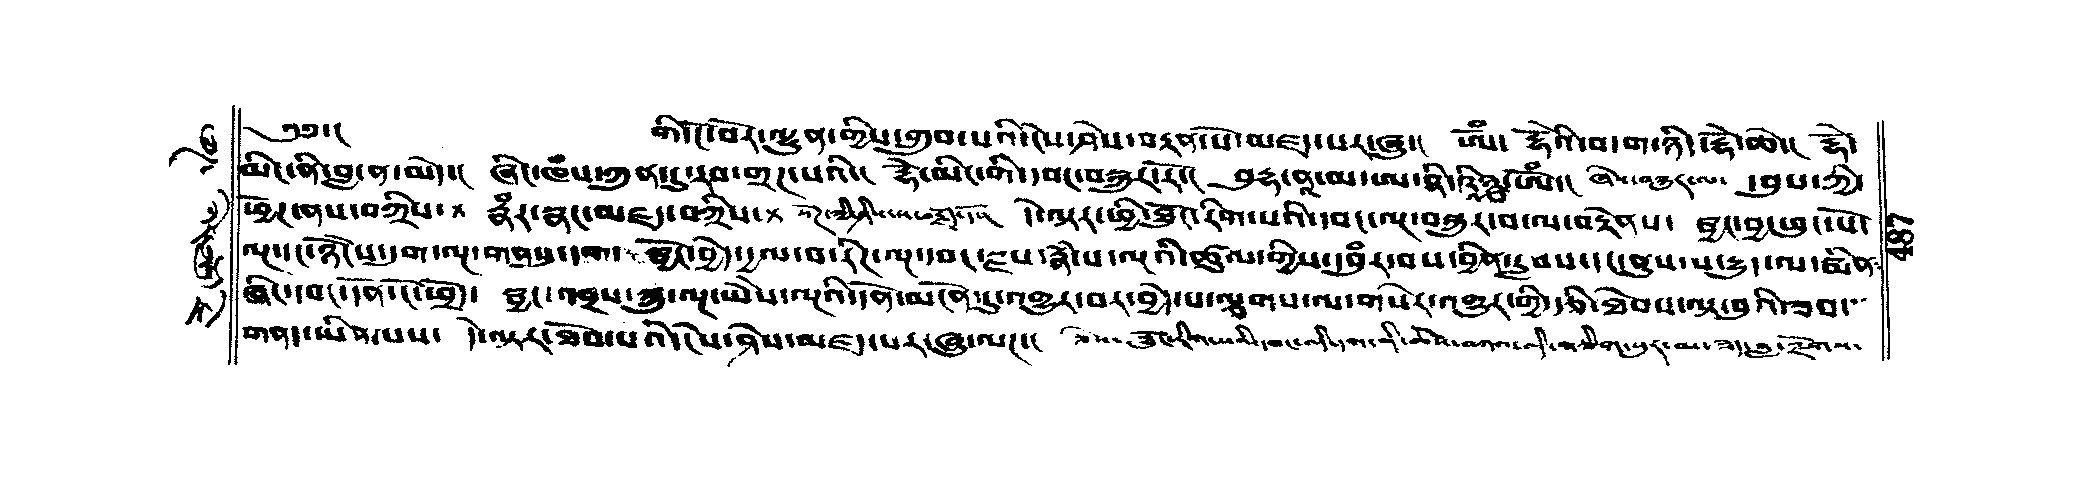གི་ངོ་བོར་ལྷུན་གྱིས་གྲུབ་པའི་ངེས་ཤེས་བརྟན་པོ་མཛད་པར་ཞུ། ཨོྃ། རྡོ་རྗེའི་བདག་ཉིད་རྡོ་རྗེ་ཆེ། །རྡོ་རྗེ་
མིང་ནི་བླ་ན་མེད། །ཞིང་ཁམས་ཀུན་ཏུ་རབ་གྲགས་པའི། །རྡོ་རྗེ་མིང་གི་དབང་བསྐུར་རོ། །བུདྷ་ནཱ་མ་ཨ་བྷི་རཱིཉྩ་ཨོྃ། ཞེས་བསྐུར་ལ། དབུས་ཀྱི་
ཕྱོགས་ནས་བཀྲ་ཤིས་༴ རྣམ་པར་སྣང་མཛད་བཀྲ་ཤིས༴ སོགས་ཀྱི་ཤིས་པ་བརྗོད་དོ། དེ་ལྟར་ཕྱི་ཐུན་མོང་རིག་པའི་དབང་ལྔ་བསྐུར་བ་ལ་བརྟེན་ནས། སྦྱང་བྱ་ཕུང་པོ་
ལྔ་དང་ཉོན་མོངས་དུག་ལྔ་གནས་སུ་དག་སྦྱོང་བྱེད་རྒྱལ་བ་རིགས་ལྔ་དབང་རྫས་རྣམ་པ་ལྔའི་ཚུལ་གྱིས་དབང་བསྐུར་བས་བྱིན་རླབས་དང་ནུས་པ་རྒྱུད་ལ་སྨིན་
ཞིང་དབང་དོན་ངོ་འཕྲོད། སྦྱང་འབྲས་སྐུ་ལྔ་ཡེ་ཤེས་ལྔའི་དོན་མངོན་དུ་འགྱུར་བར་བྱེད་པ་ལྕགས་ལ་གསེར་འགྱུར་གྱི་རྩི་ཐེབས་ལྟ་བུའི་ཟབ་
གནད་ཡིན་པས། དེ་ལྟར་ཐེབས་པའི་ངེས་ཤེས་མཛད་པར་ཞུ་ལགས། ཅེས་ཐུན་མོང་རིག་པའི་དབང་འདི་དག་ནི་ཆོས་བཀའ་འདི་གཅིག་པུར་མ་ཟད་བླ་རྫོགས་